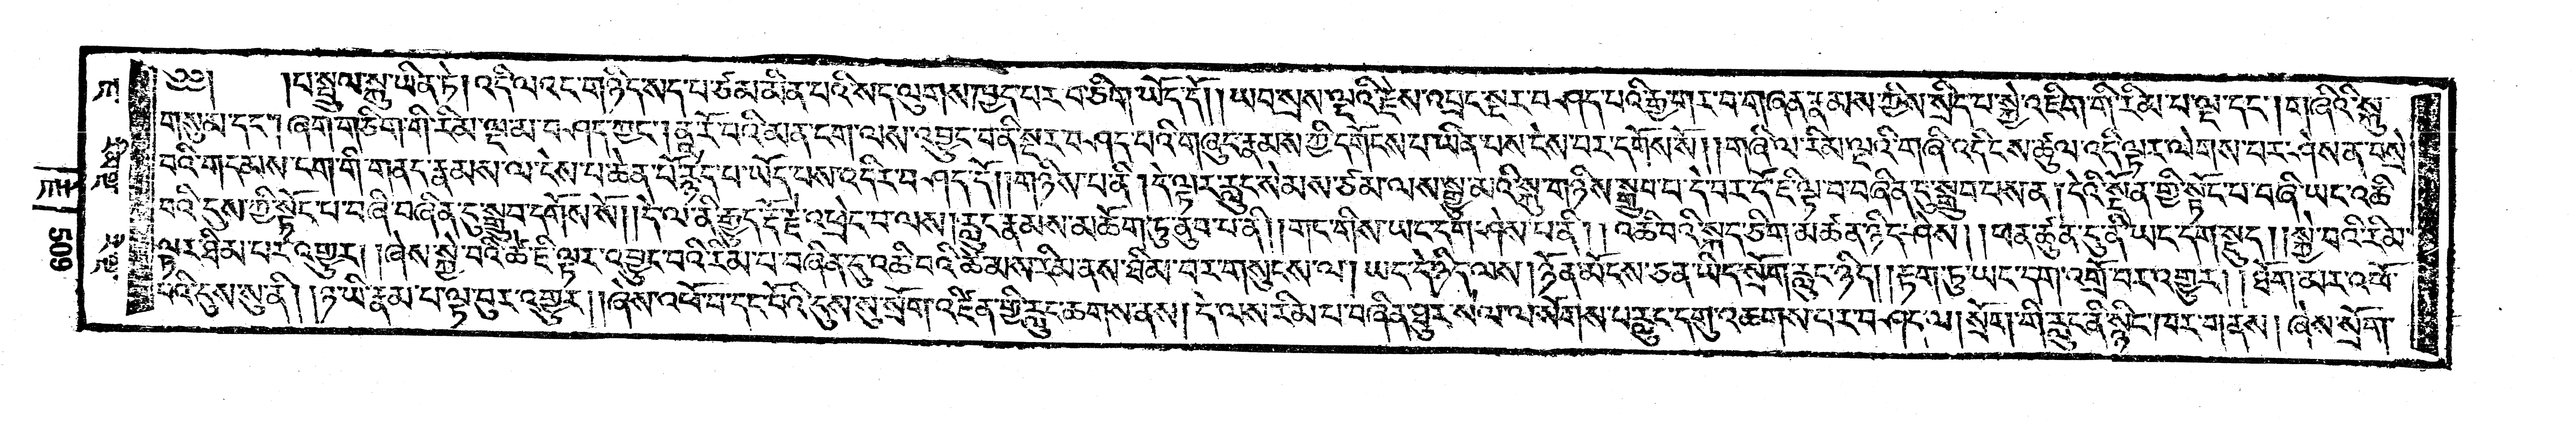༄༅། །པ་སྤྲུལ་སྐུ་ཡིན་ཏེ། འདི་ལའང་གཉིད་སད་པ་ཙམ་མིན་པའི་སད་ལུགས་ཁྱད་པར་བ་ཅིག་ཡོད་དོ། །ཡབ་སྲས་ལྔའི་རྗེས་འབྲང་སྔར་བཤད་པའི་རྒྱ་གར་བ་གཞན་རྣམས་ཀྱིས་སྲིད་པ་སྐྱེ་འཇིག་གི་རིམ་པ་ལྔ་དང་། གཞིའི་སྐུ་
གསུམ་དང་། ཞག་གཅིག་གི་རིམ་ལྔ་མ་བཤད་ཀྱང་། ནཱ་རོ་པའི་མན་ངག་ལས་འབྱུང་བ་ནི་སྔར་བཤད་པའི་གཞུང་རྣམས་ཀྱི་དགོངས་པ་ཡིན་པས་ངེས་པར་དགོས་སོ། །གཞི་ལ་རིམ་ལྔའི་གཞི་འདིངས་ཚུལ་འདི་ལྟར་ལེགས་པར་ཤེས་ན་བསྲེ་
བའི་གདམས་ངག་གི་གནད་རྣམས་ལ་ངེས་པ་ཆེན་པོ་རྙེད་པ་ཡོད་པས་འདིར་བཤད་དོ། །གཉིས་པ་ནི། དེ་ལྟར་རླུང་སེམས་ཙམ་ལས་སྒྱུ་མའི་སྐུ་གཉིས་སྒྲུབ་པ་དེ་བར་དོ་ཇི་ལྟ་བ་བཞིན་དུ་སྒྲུབ་པས་ན། དེའི་སྔོན་གྱི་སྟོང་པ་བཞི་ཡང་འཆི་
བའི་དུས་ཀྱི་སྟོང་པ་བཞི་བཞིན་དུ་སྒྲུབ་དགོས་སོ། །དེ་ལ་ནི་རྒྱུད་རྡོ་རྗེ་འཕྲེང་བ་ལས། རླུང་རྣམས་མཆོག་ཏུ་ནུབ་པ་ནི།
ཡང་དག་སྡུད། །སྐྱེ་བའི་རིམ་
ལྟར་ཐིམ་པར་འགྱུར། །ཞེས་སྐྱེ་བའི་ཚེ་ཇི་ལྟར་འབྱུང་བའི་རིམ་པ་བཞིན་དུ་འཆི་བའི་ཚེ་མས་རིམ་ནས་ཐིམ་པར་གསུངས་ལ། ཡང་དེ་ཉིད་ལས། ཉོན་མོངས་ཅན་ཡིན་སྲོག་རླུང་ཉིད། །རྟག་ཏུ་ཡང་དག་འགྲོ་བར་འགྱུར། །ཐོག་མར་འཕོ་
བའི་དུས་སུ་ནི། །ཉ་ཡི་རྣམ་པ་ལྟ་བུར་འགྱུར། །ཞེས་འཕོ་བ་དང་པོའི་དུས་སུ་སྲོག་འཛིན་གྱི་རླུང་ཆགས་ནས། དེ་ལས་རིམ་པ་བཞིན་ཐུར་སེལ་ལ་སོགས་པ་རླུང་དགུ་འཆགས་པར་བཤད་ལ། སྲོག་གི་རླུང་ནི་སྙིང་ཁར་གནས། ཞེས་སྲོག་